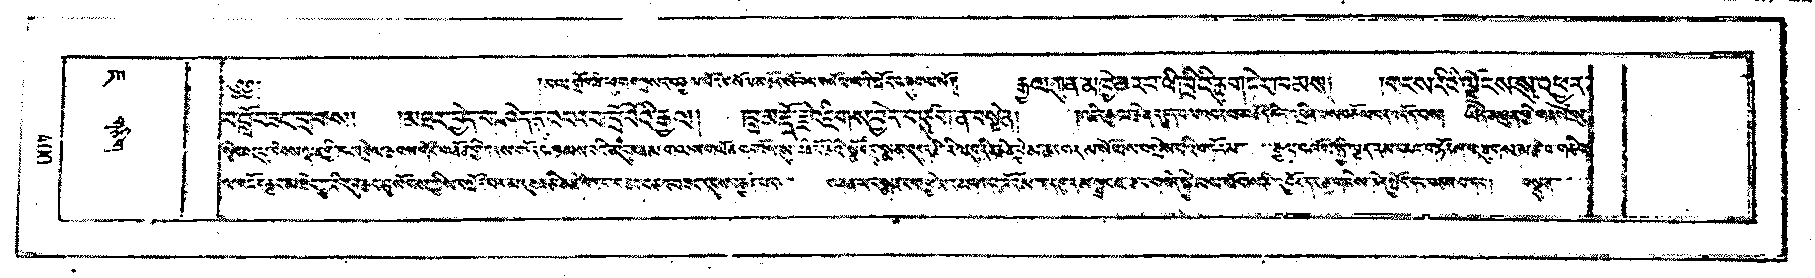༄༅། ། མལ་གྲོ་གཟི་ཕུག་བཀྲས་རབ་རྒྱལ་པོའི་གསོལ་མཆོད་སོགས་གསོལ་ཁའི་སྐོར་བཞུགས་སོ།  །རྒྱལ་ཀུན་མཁྱེན་རབ་ལི་ཁྲིའི་ཆུ་གཏེར་ཁམས། །གངས་རིའི་ལྗོངས་སུ་འཕྱུར་
བ་བློ་བཟང་གྲགས། །མཐར་བྱེད་གཤེད་དུ་འབར་བ་ཁྲོ་བོའི་རྒྱལ། །བླ་མ་རྡོ་རྗེ་འཇིགས་བྱེད་གཙུག་ན་བསྟེན། །འདིར་རྒྱལ་ཆེན་རནྟ་དཔལ་འབར་ལ་མཆོད་ཅིང་འཕྲིན་ལས་བཅོལ་བར་འདོད་པས། ཡིད་མཐུན་གྱི་གནས་སུ་
སྟེགས་པུ་བེབས་ལྡན་གྱི་ཁར་འབྲེལ་ཆགས་གོང་གནོན་གྱི་འདས་གཏོར་བཤམས་པའི་མདུན་ནམ་གཡས་གཡོན་གང་འོས་སུ་རིན་པོ་ཆེའི་སྣོད་དུ་སྨན་བདུད་རྩི་རིལ་བུ་རིན་ཆེན་ཕྱེ་མ་ཆང་གར་མ་སོགས་བསྲེས་པའི་གཏོར་མ་?་རྒྱལ་བཤོས་སྤྱི་ལྟར་རམ་དམར་གཏོར་ཤ་གཟུགས་མཆེ་བ་གཅིག་
ལ་གཏོར་ཆུང་མཐེབ་ཀྱུ་རིལ་བུ་ཆང་བུ་སོགས་ཀྱིས་བསྐོར་བར་མར་རྒྱན་ཅི་མཛེས་དང་བཟའ་བཅའ་བཟང་དགུས་བརྒྱན་པ་དང་། གཞན་ཡང་སྨན་རག་ཕྱེ་མར་མདའ་དར་ཞོ་འོ་མ་ཀ་ར་བུ་རམ་སྦྲང་ཇ་ཆང་གསེར་སྐྱེམས་སོགས་ཅི་འབྱོར་དང་ཆུ་གཉིས་ཉེར་སྤྱོད་དང་བཅས་པ་དང་། བསྡུན་